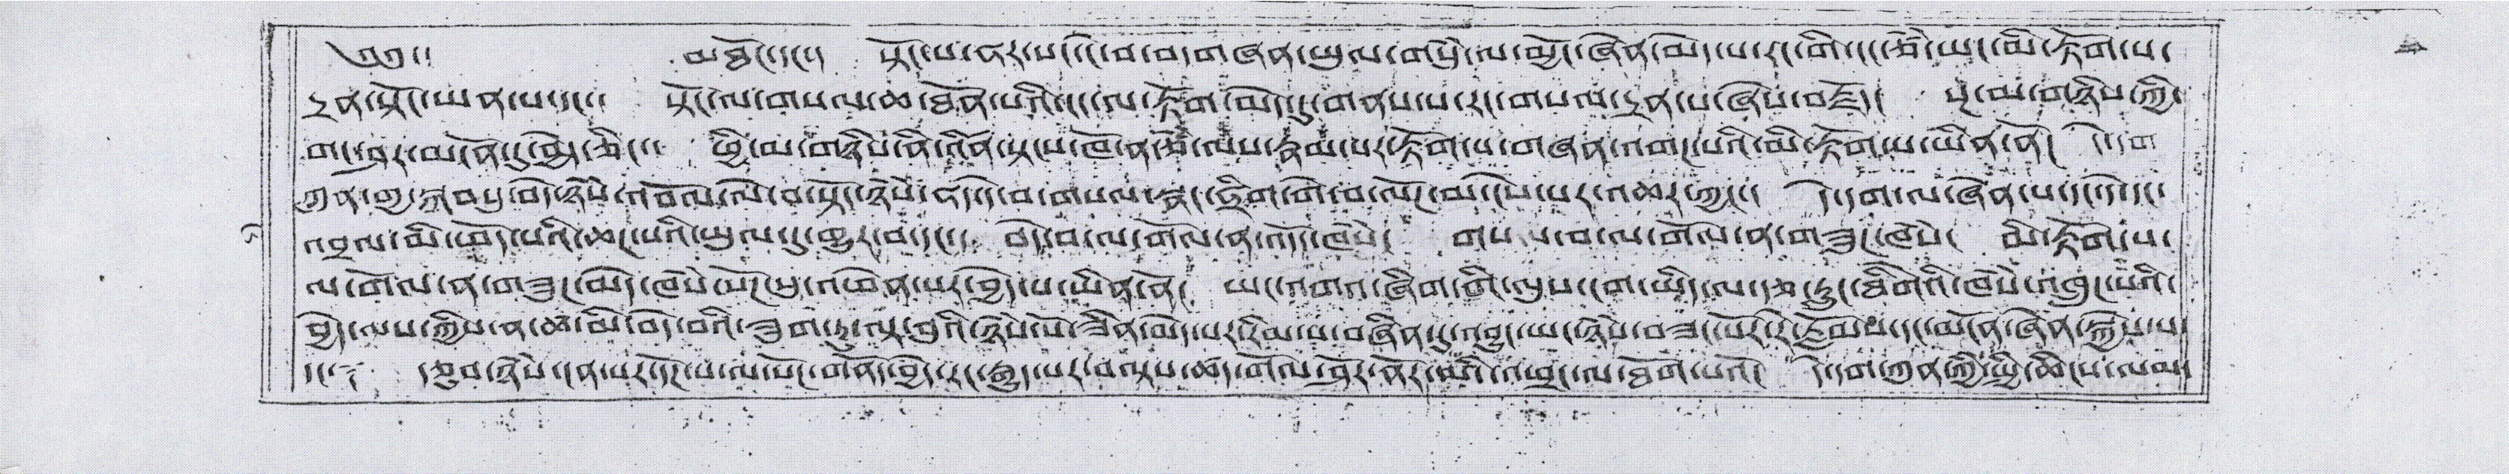མཐོང་དང་། སྟོང་པ་ཧར་སང་ངེ་བ་བདག་གཞན་ཡུལ་གསུམ་ལ་མྱོང་ཞེན་མེད་པ་རང་གི་ངང་ཙམ་ཡང་མི་རྟོག་པ་
དྲན་སྟོང་ཡན་པ་དང་། སྟོང་ལ་གསལ་ཆ་ཐོན་པའི་ངང་ལ་རྟོག་མེད་དུ་གནས་པ་རང་གསལ་དྲན་པ་ཞེས་བརྗོད། སྔ་མ་གཉིས་ཀྱིས་
གང་ཤར་མངོན་དུ་བྱེད་ཅིང་། ཕྱི་མ་གཉིས་ནི་འཛིན་སྟངས་ཁོ་ན་ཙམ་ལས་རྣམ་པར་རྟོག་པ་གཞན་འགག་པའི་མི་རྟོག་པ་ཡིན་ནོ། དེ་དག་
ཀུན་གྱི་སྐབས་སུ་བདེ་ཉམས་འབོལ་ལེ་བ། སྟོང་ཉམས་ཧད་དེ་བ། གསལ་སྣང་ཧྲིག་གེ་བ་ལ་སོགས་མ་ངེས་པར་འཆར་ཀྱང་། དེ་དག་ལ་ཞེན་པ་དང་དེ་དང་
འབྲལ་མི་ཕོད་པའི་ཆགས་པའི་ཡུལ་དུ་གྱུར་པ་དང་། བདེ་བ་ལ་གོལ་ན་འདོད་ཁམས། གསལ་བ་ལ་གོལ་ན་གཟུགས་ཁམས། མི་རྟོག་པ་
ལ་གོལ་ན་གཟུགས་མེད་ཁམས་སོགས་སུ་འཕེན་པར་བྱེད་པ་ཡིན་ནོ། ཡང་འགའ་ཞིག་གིས་ལུས་ངག་ཡིད་ལ་རྩ་རླུང་ཐིག་ལེའི་ཁམས་འཁྲུགས་པའི་
བྱེད་ལས་ཀྱིས་ན་ཚ་མི་བདེ་བའི་ཟུག་རྔུ་ལྟ་བུའི་ཉམས་སོ་ཟིན་མེད་པར་རིམ་པ་བཞིན་དུ་ཉམས་བཟང་པོར་རེ་རློམ་པ་དང་མངོན་ཞེན་སྐྱེས་པ་
དང་། རྩུབ་ཉམས་ངན་པར་དྭོགས་པ་ལ་སོགས་གནོད་བྱེད་རང་རྒྱུད་པར་བལྟས་ཚད་གོལ་ཤོར་ནོར་བའི་འཕྲང་ལ་ཐོགས་པའོ། དེ་དག་ཀུན་གྱི་སྤྱི་ཆིངས་ལམ་